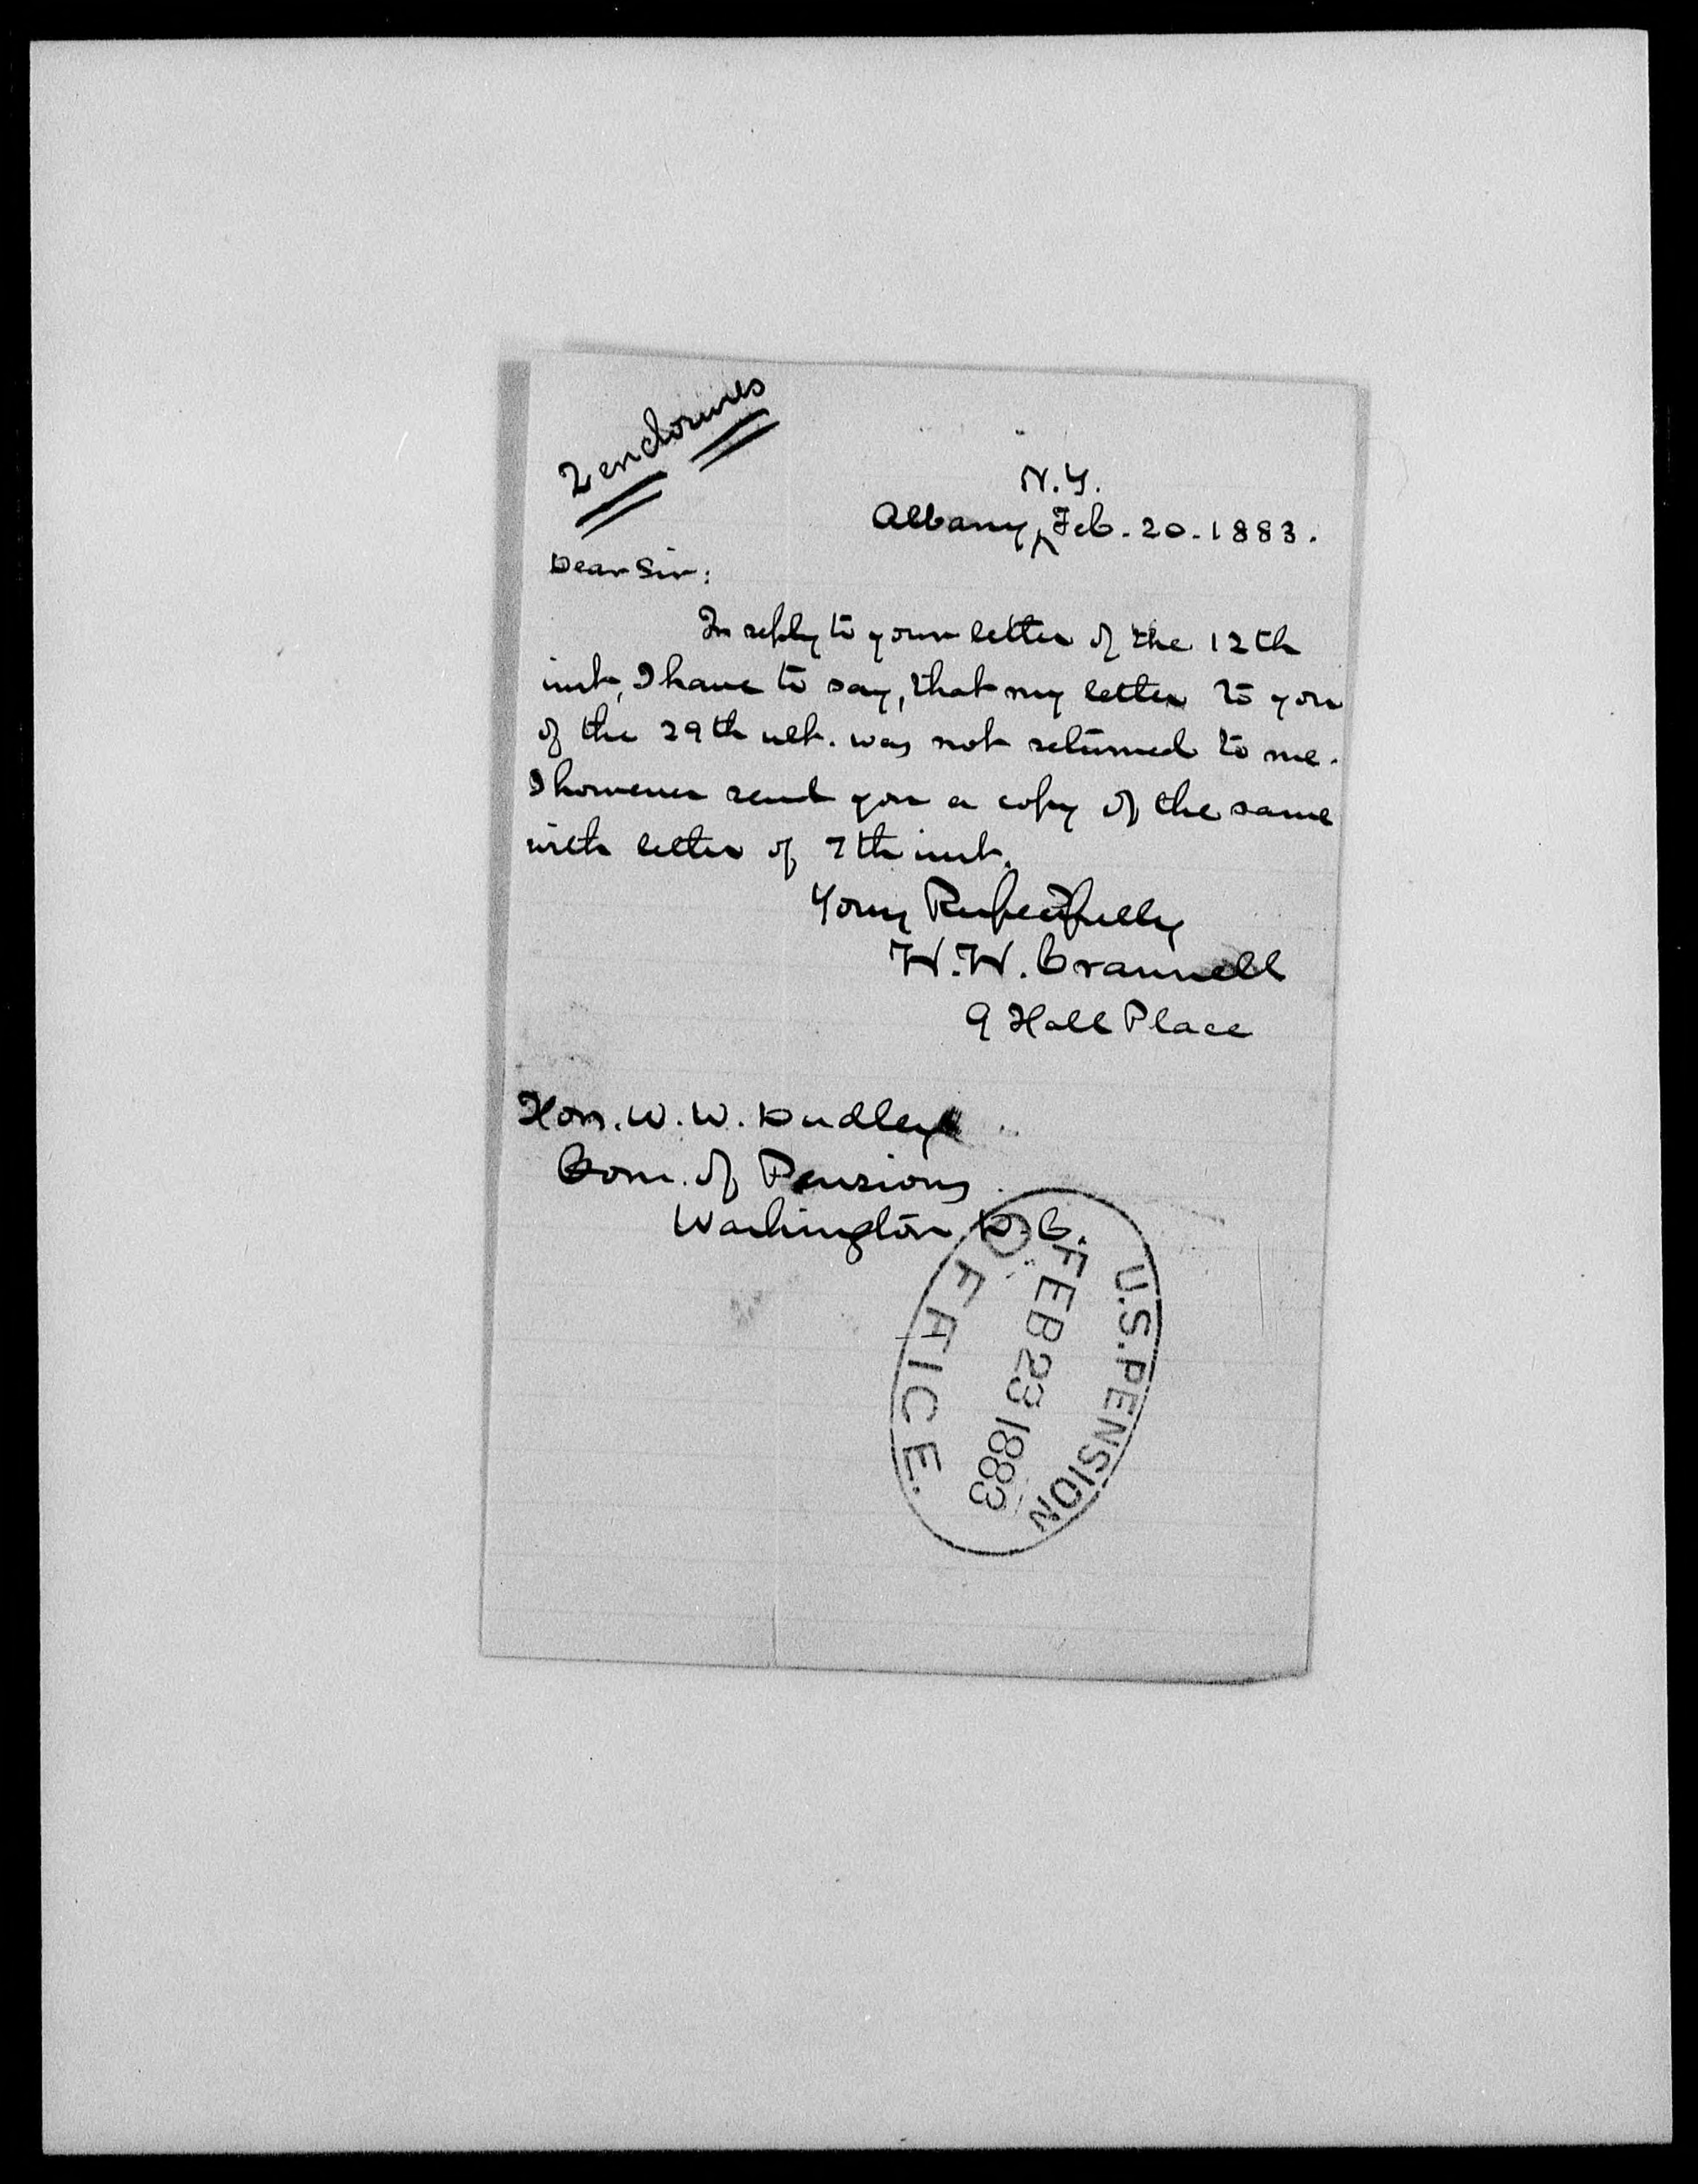2 enclosures [double underlined]

N. Y.
Albany N. Y. Feb. 20. 1883
Dear Sir
In reply to your letter of the 12th inst, I have to say, that my letter to you
of the 29th inst was not returned to me.
I however sent you a copy of the same
with letter of 7th inst
Your Respectfully
W. W. Crannell
9 Hall Place
 
Hon W. W. Dudley
Com of Pensions
Washington D.C.

U.S. PENSION OFFICE
FEB 23 1883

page: 56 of 62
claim: widow's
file: W. 765, for Richard L Jones, Connecticut